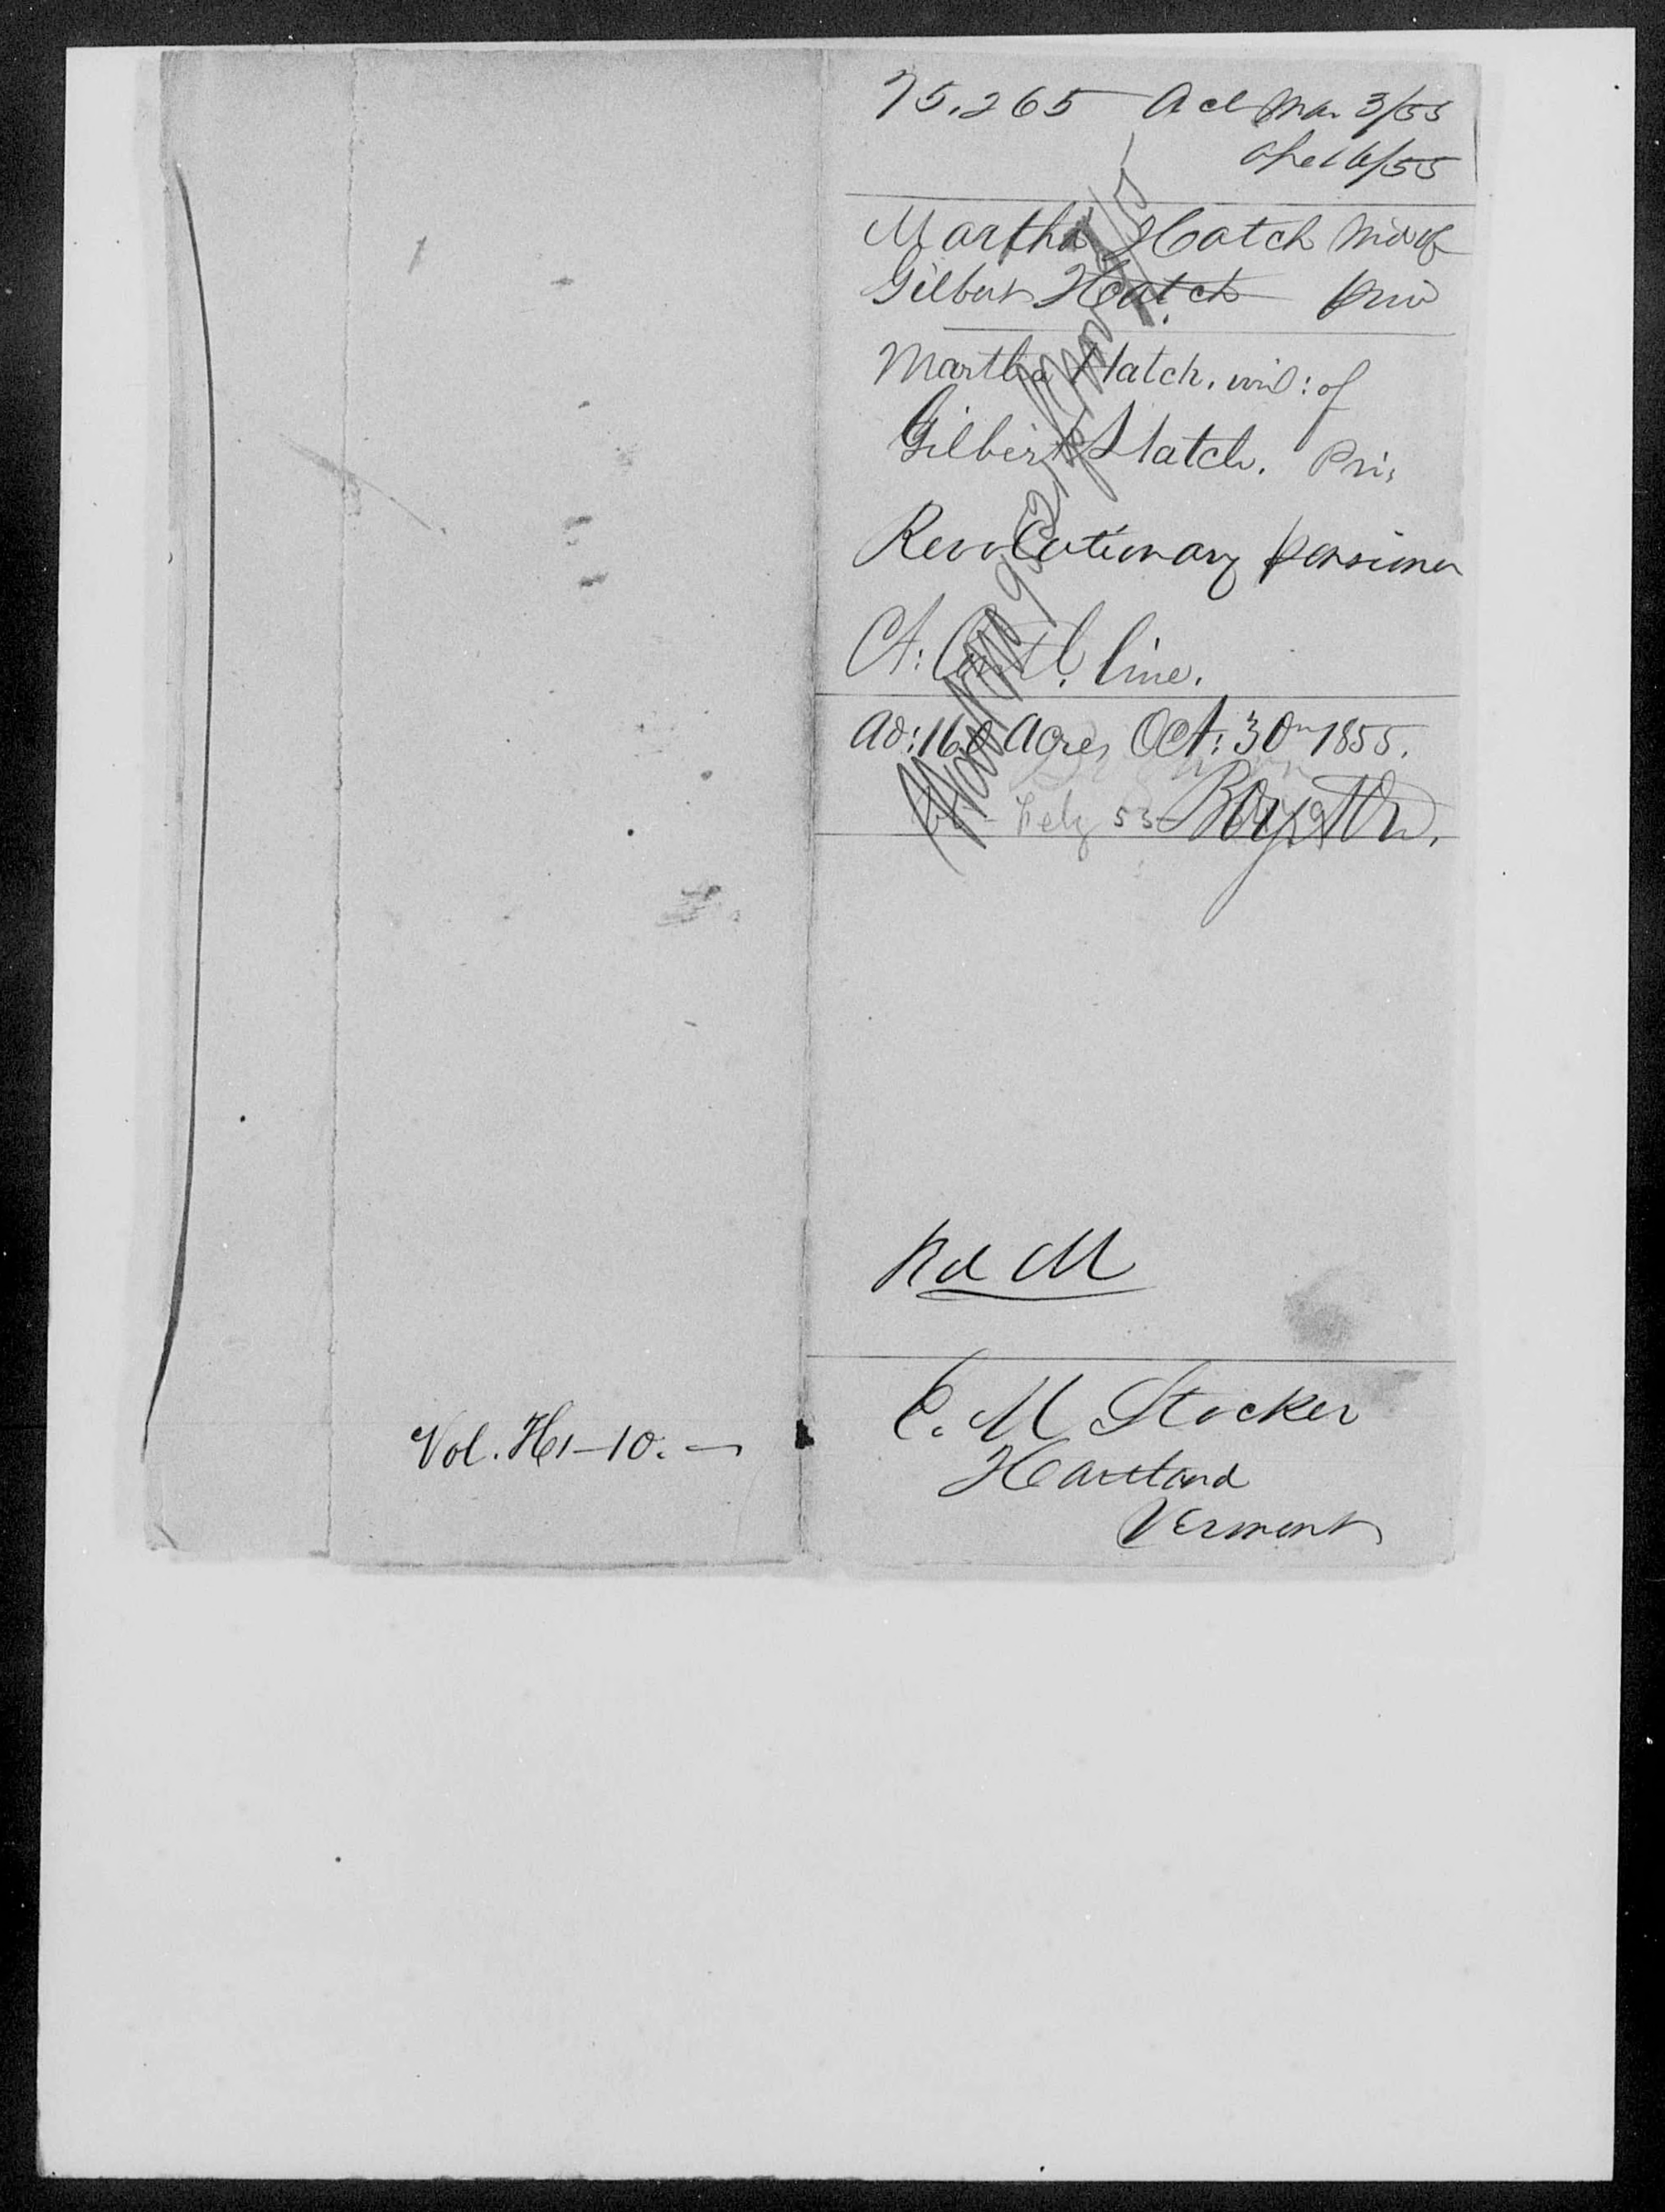[page left]
Vol. [H?] -10-


[page right]
75.265 Act Mar 3/55
April 6/55

------------
Martha Hatch wife of
Gilbert Hatch priv

------------
Martha Hatch wid[widow] of
Gilbert Hatch priv
Revolutionary pension
A: Contl. line.

------------
AO: 160 Acres Oct. 30th, 1855
[illegible]
[illegible: July 53?]
[illegible]

------------
Vol. [H?].10 -


[B d M?]
------------
C. M. Stocker
Hartland
Verment


[written from bottom to top of page across all previous lines]
[illegible] no 9521 iss Nov 7 / 55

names: Boyton, Martha Hatch, E M Stocker, Martha Hatch, Gilbert Hatch, Gilbert Hatch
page: 4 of 47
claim: widow's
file: W. 225, Gilbert Hatch, Conn.